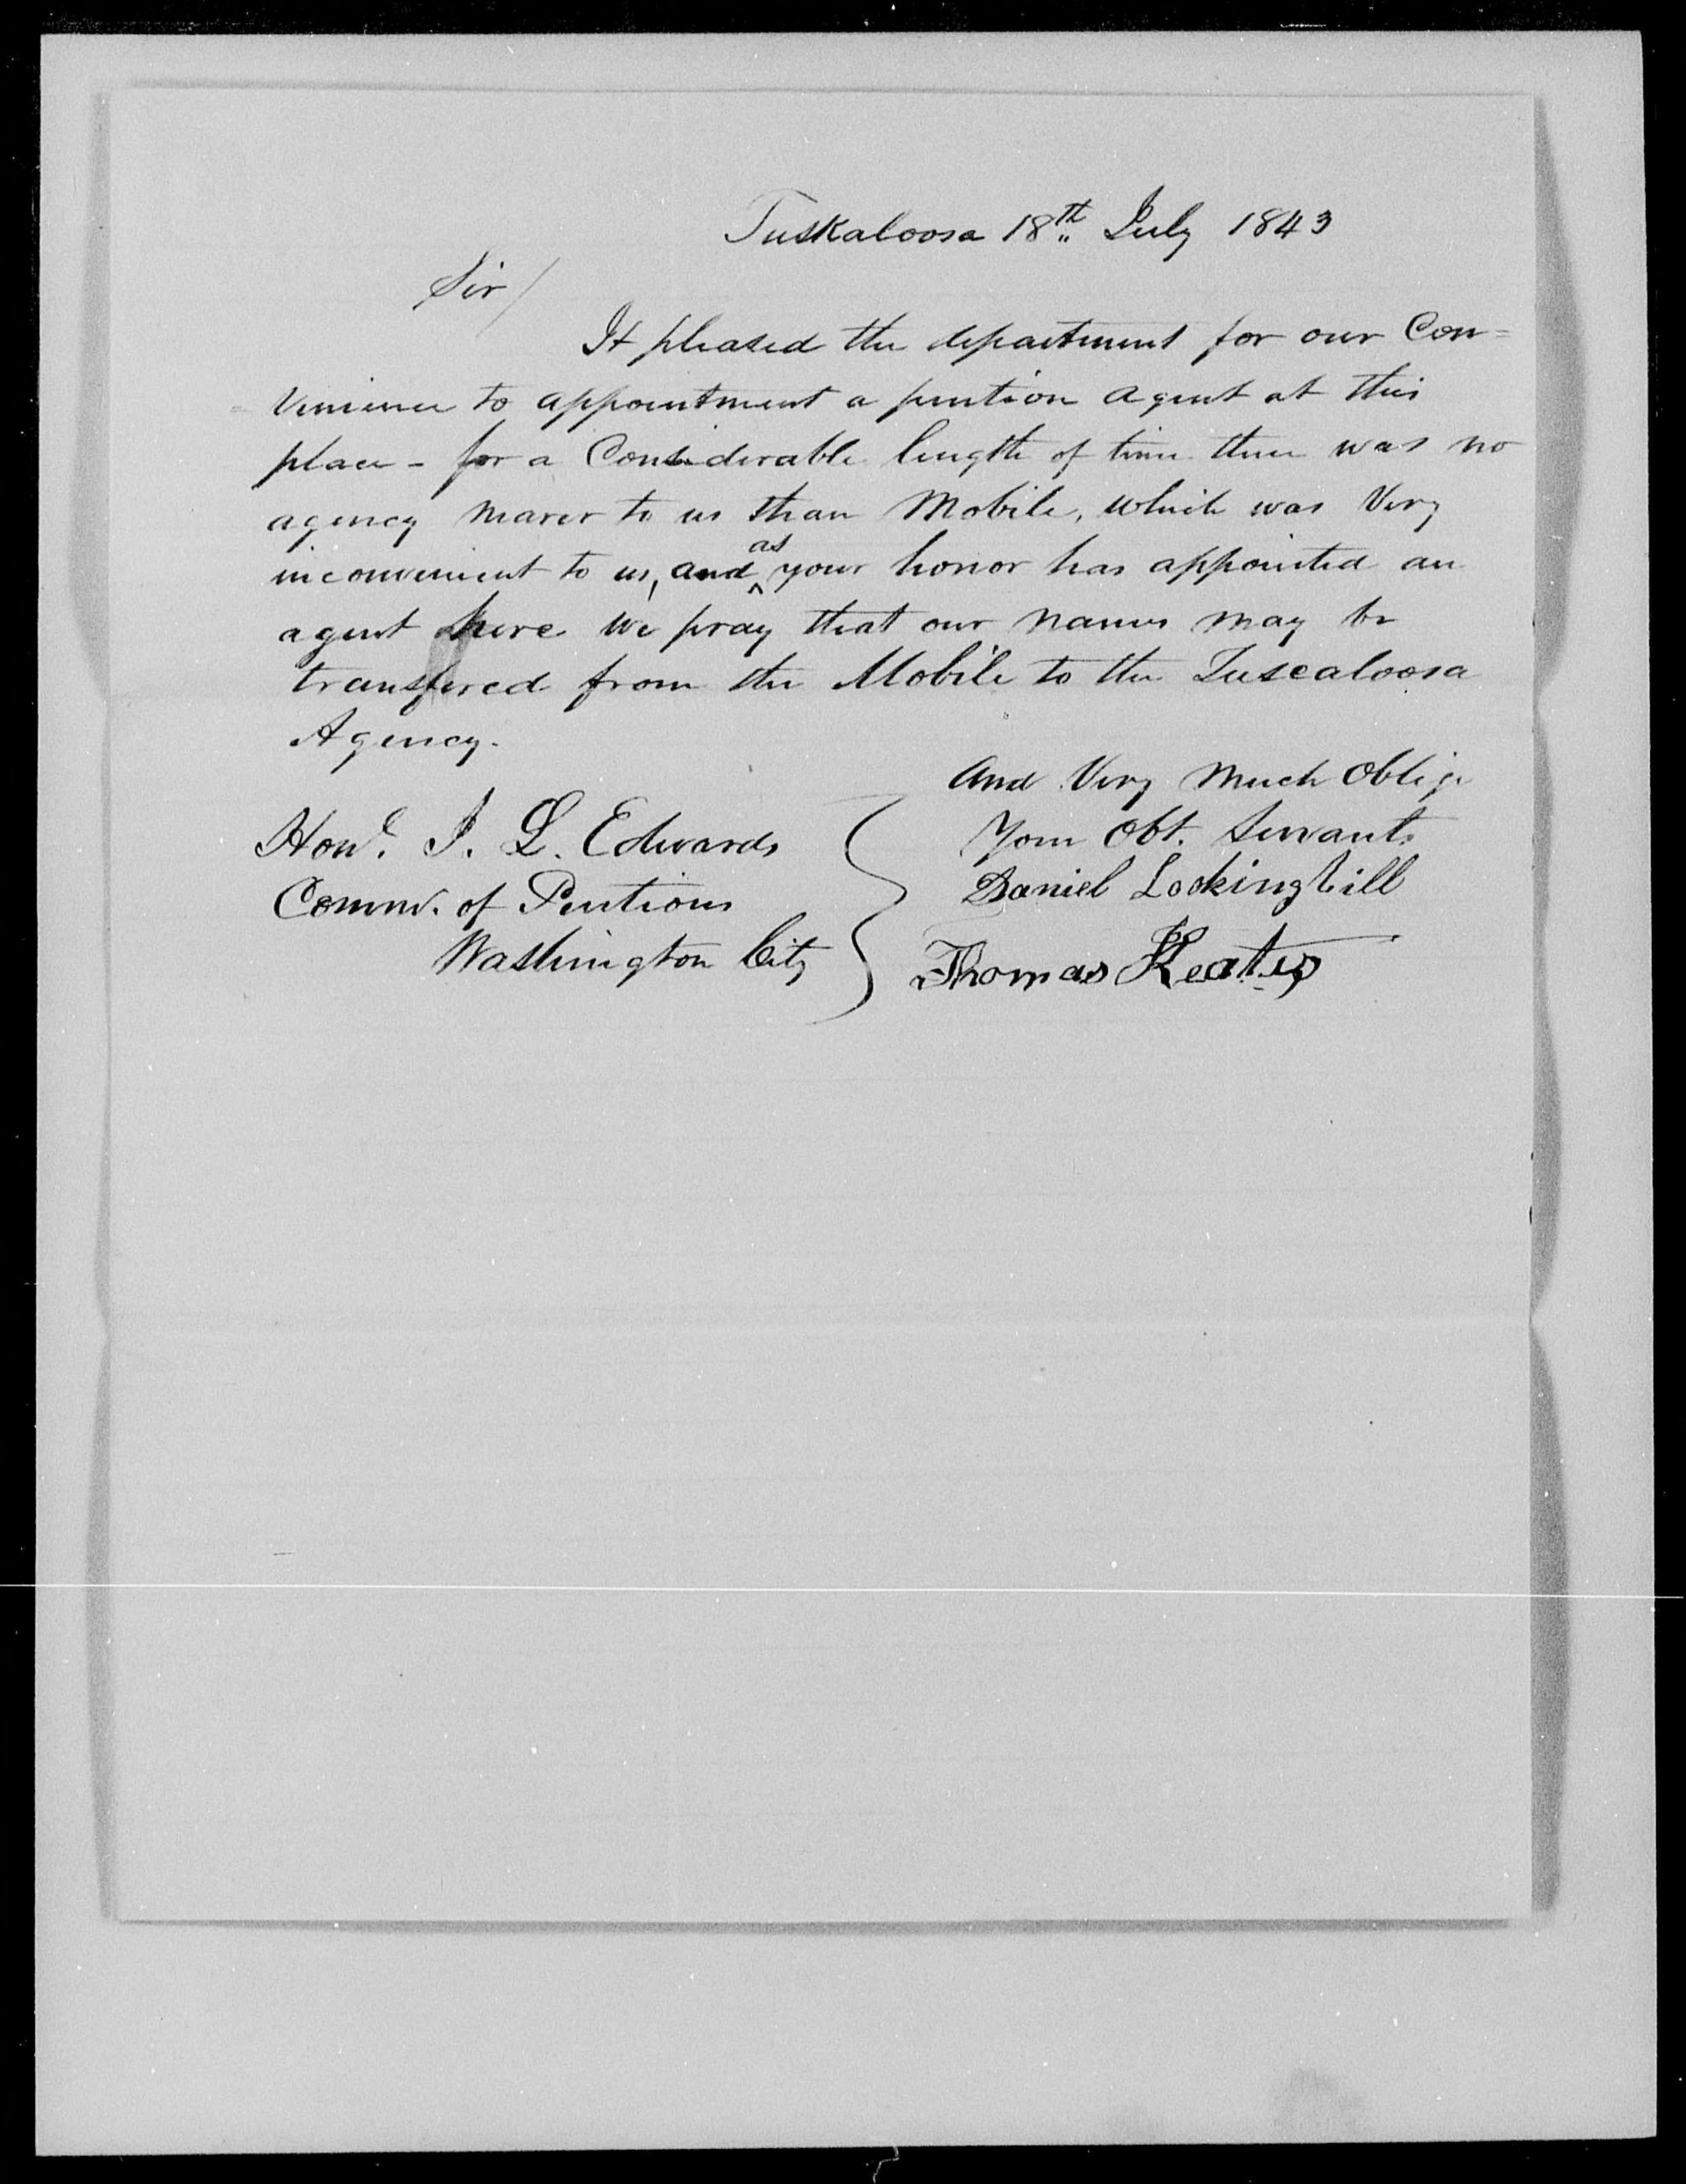Tuskaloosa 18th July 1843

Sir
It pleased the department for our
convenience to appointment a pention agent at this
place for a considerable length of time there was no
agency nearer to us than Mobile, which was very
inconvenient to us, and as your honor has appointed an
agent here we pray that our names may be 
transfered from the Mobile to the Tuscaloosa 
Agency.  
Hon. J. L. Edwards
Comm. of Pentions
Washington City

and very much oblige
your obt. servant
Daniel Lookinghill
Thomas Keates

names: J L Edwards; Daniel Lookingbill; Thomas Keates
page: 21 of 25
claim: survivor's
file: S. 38109, for Thomas Keates, Maryland